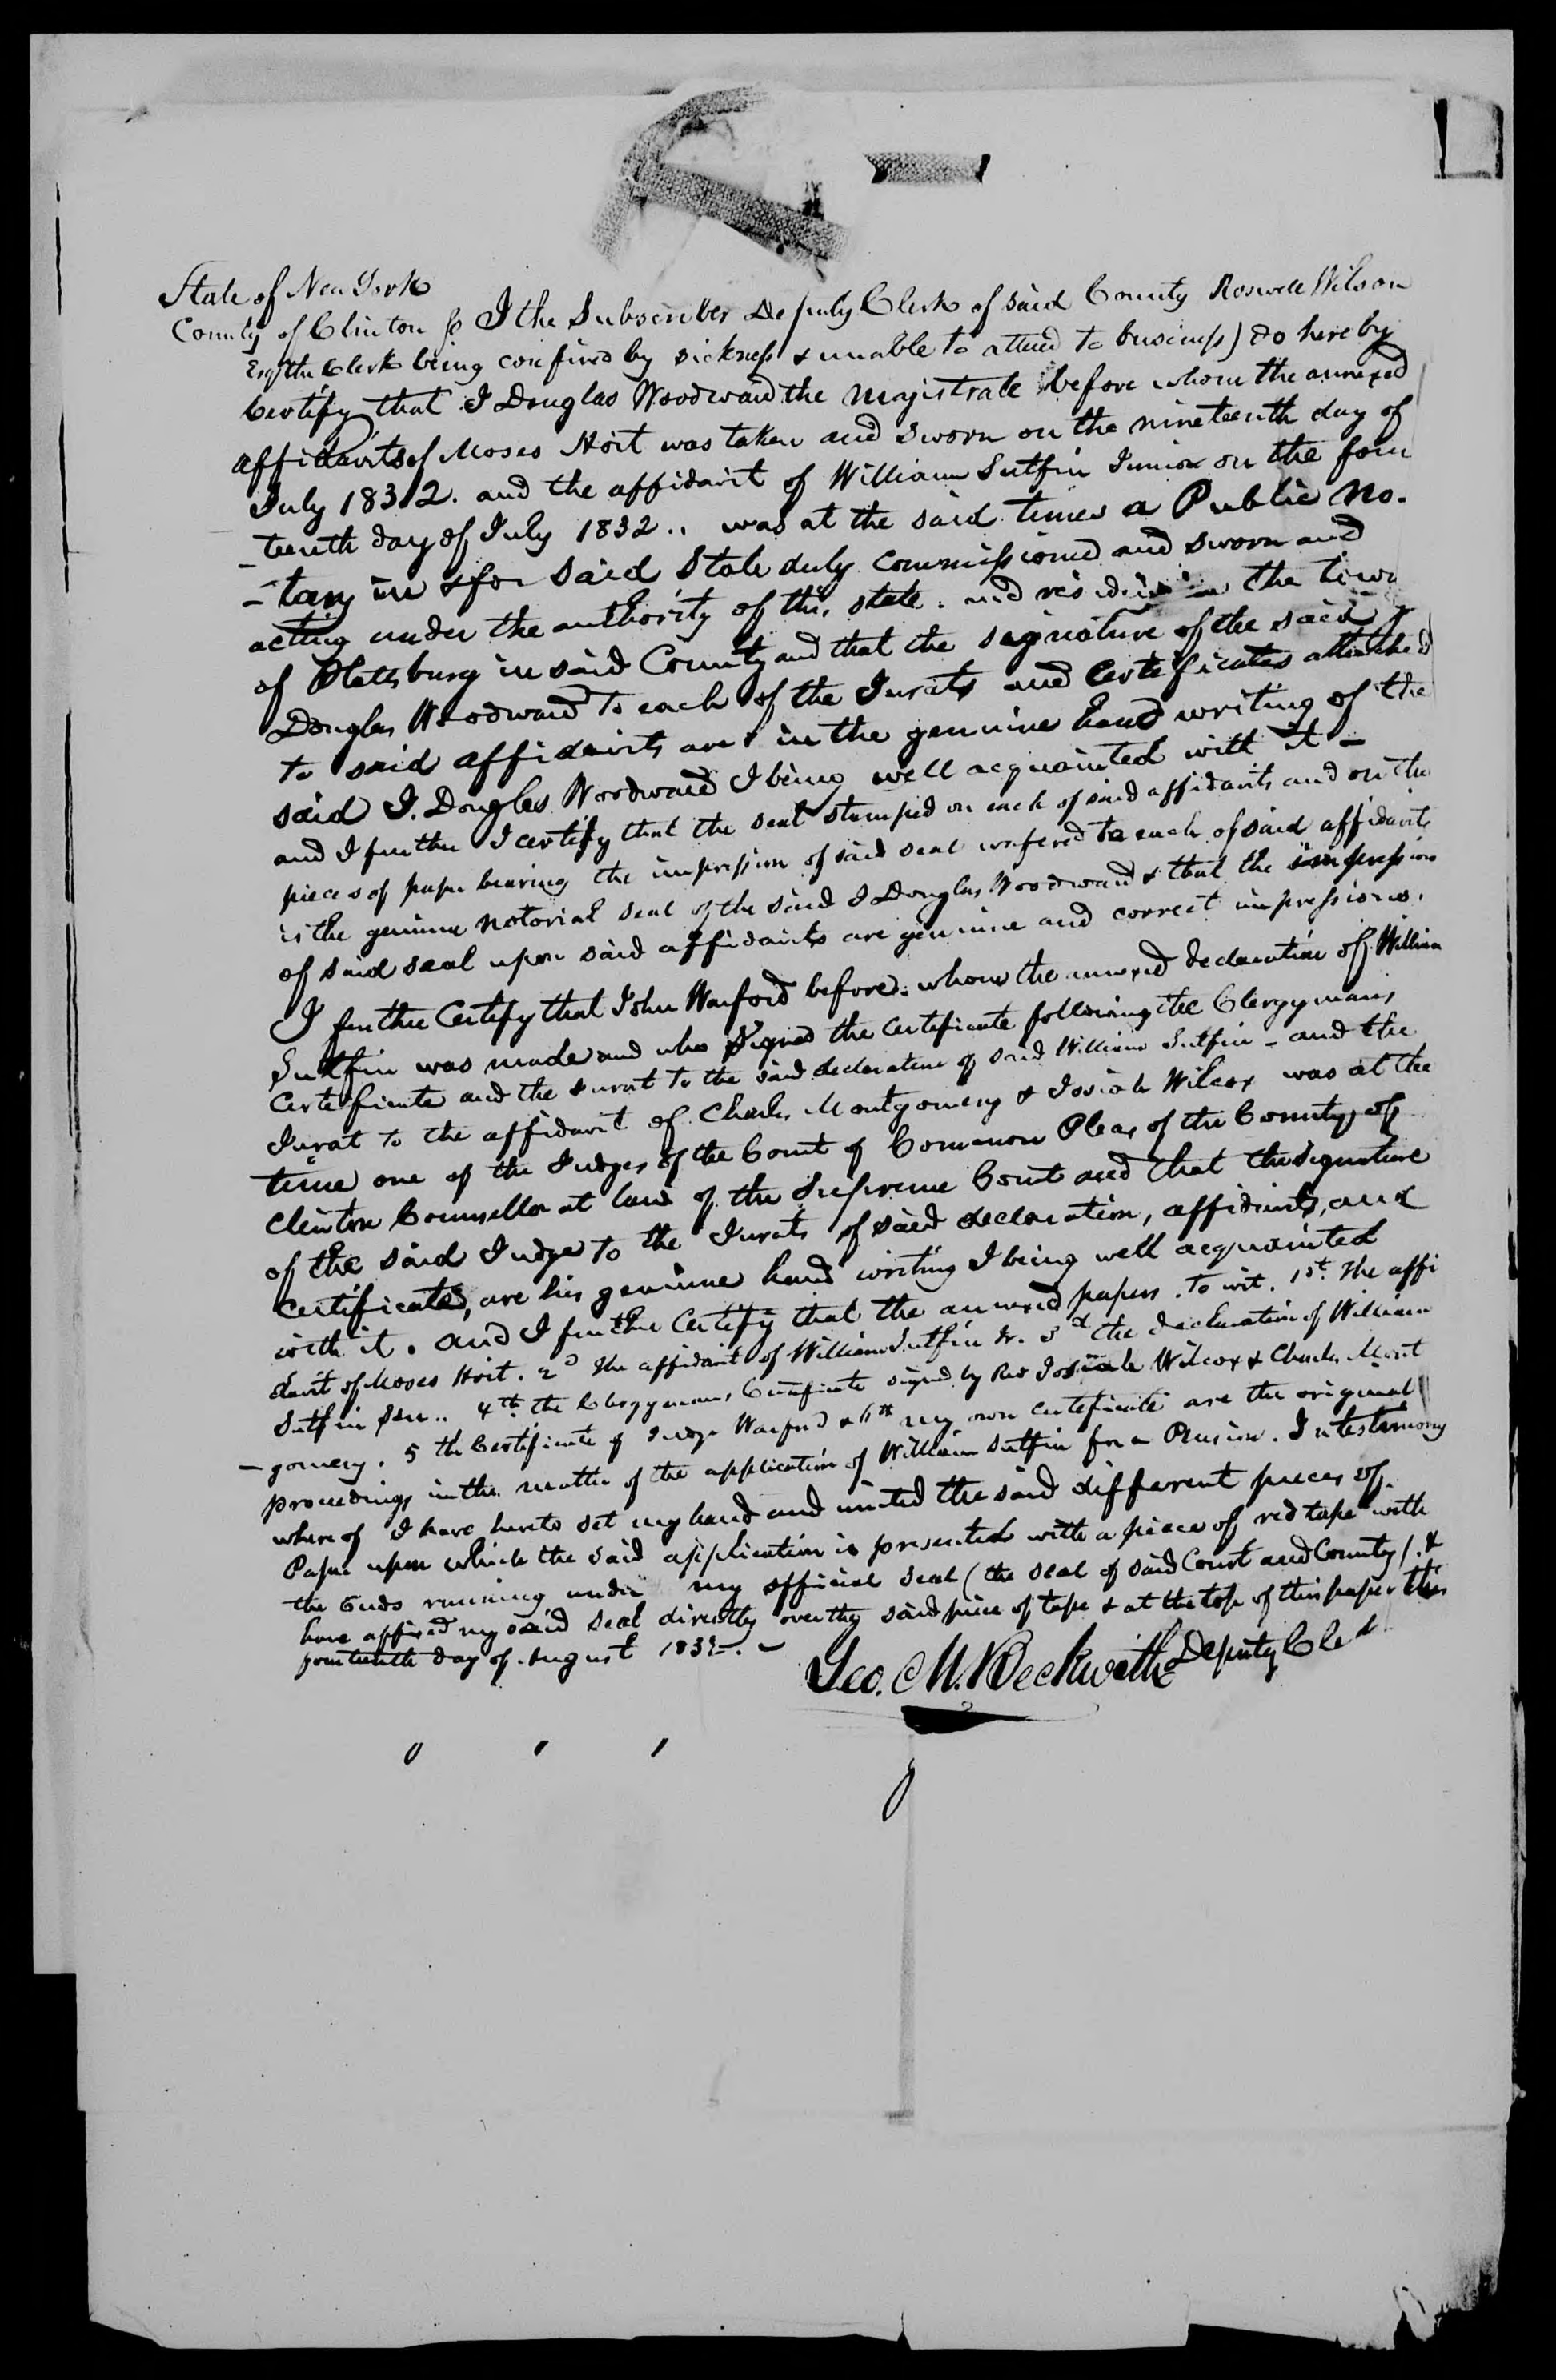State of New York
County of Clinton//

I, the subscriber, Deputy Clerk of said County, Roswell Wilson, Esq., the Clerk being confined by sickness & unable to attend to business, do hereby certify that I, Douglas Woodward, the magistrate before whom the annexed affidavits of Moses Hart was taken and sworn on the nineteenth day of July 1832, and the affidavit of William Sutfin, Junior, on the fourteenth day of July 1832, was at the said times a Public Notary in & for said State, duly commissioned and sworn and acting under the authority of the State, and resides in the town of Plattsburg in said County, and that the signature of the said J. Douglas Woodward to each of the Jurats and certificates attached to the said affidavits are in the genuine handwriting of the said J. Douglas Woodward, I being well acquainted with it.

And I further, I certify that the seal stamped on each of said affidavits and on the pieces of paper bearing the impression of said seal confined to each of said affiants (sp.) the genuine notional seal of the said J. Douglas Woodward & that the impressions of said seal upon said affidavits are genuine and correct impressions.

I further Certify that John Warford, before whom the annexed declaration of William Sutfin was made and who signed the certificate following the Clergyman's certificate and the Jurat to the said declaration of said William Sutfin. And the Jurat to the affidavit of Charles Montgomery & Issiah Wilcox, was at the time one of the Judges of the Court of Common Pleas of the County of Clinton, Counsellor at Law of the Supreme Court and that the signature of the said Judge to the Jurats of said declaration, affiants, and certificates, are his genuine handwriting, I being well acquainted with it. And I further certify that the annexed papers, to wit, 1st the affidavit of Moses Hart, 2nd the affidavit of 
William Sutfin, Jr., 3rd the declaration of William Sutfin, Sr., 4th the clergyman's certificate signed by Rev. Josiah Wilcox & Charles Montgomery, 4th the certificate of Judge Warford & 6th my own certificate and the original proceedings in the matter of the application of William Sutfin for a pension.

In testimony whereof I have hereto set his hand and united the said different pieces of upon which the said application is consented with a pieces of paper upon which the said application is presented with a piece of red tape with the guides running under my official seal (the seal of said Court & County) & have applied my said seal directly over the said piece of tape & at the top of this paper this Fourteenth day of August 1832.

s/ Geo. M. Beckworth, Deputy Clerk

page: 4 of 11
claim: survivor's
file: S. 14628, for William Sutfin, New Jersey